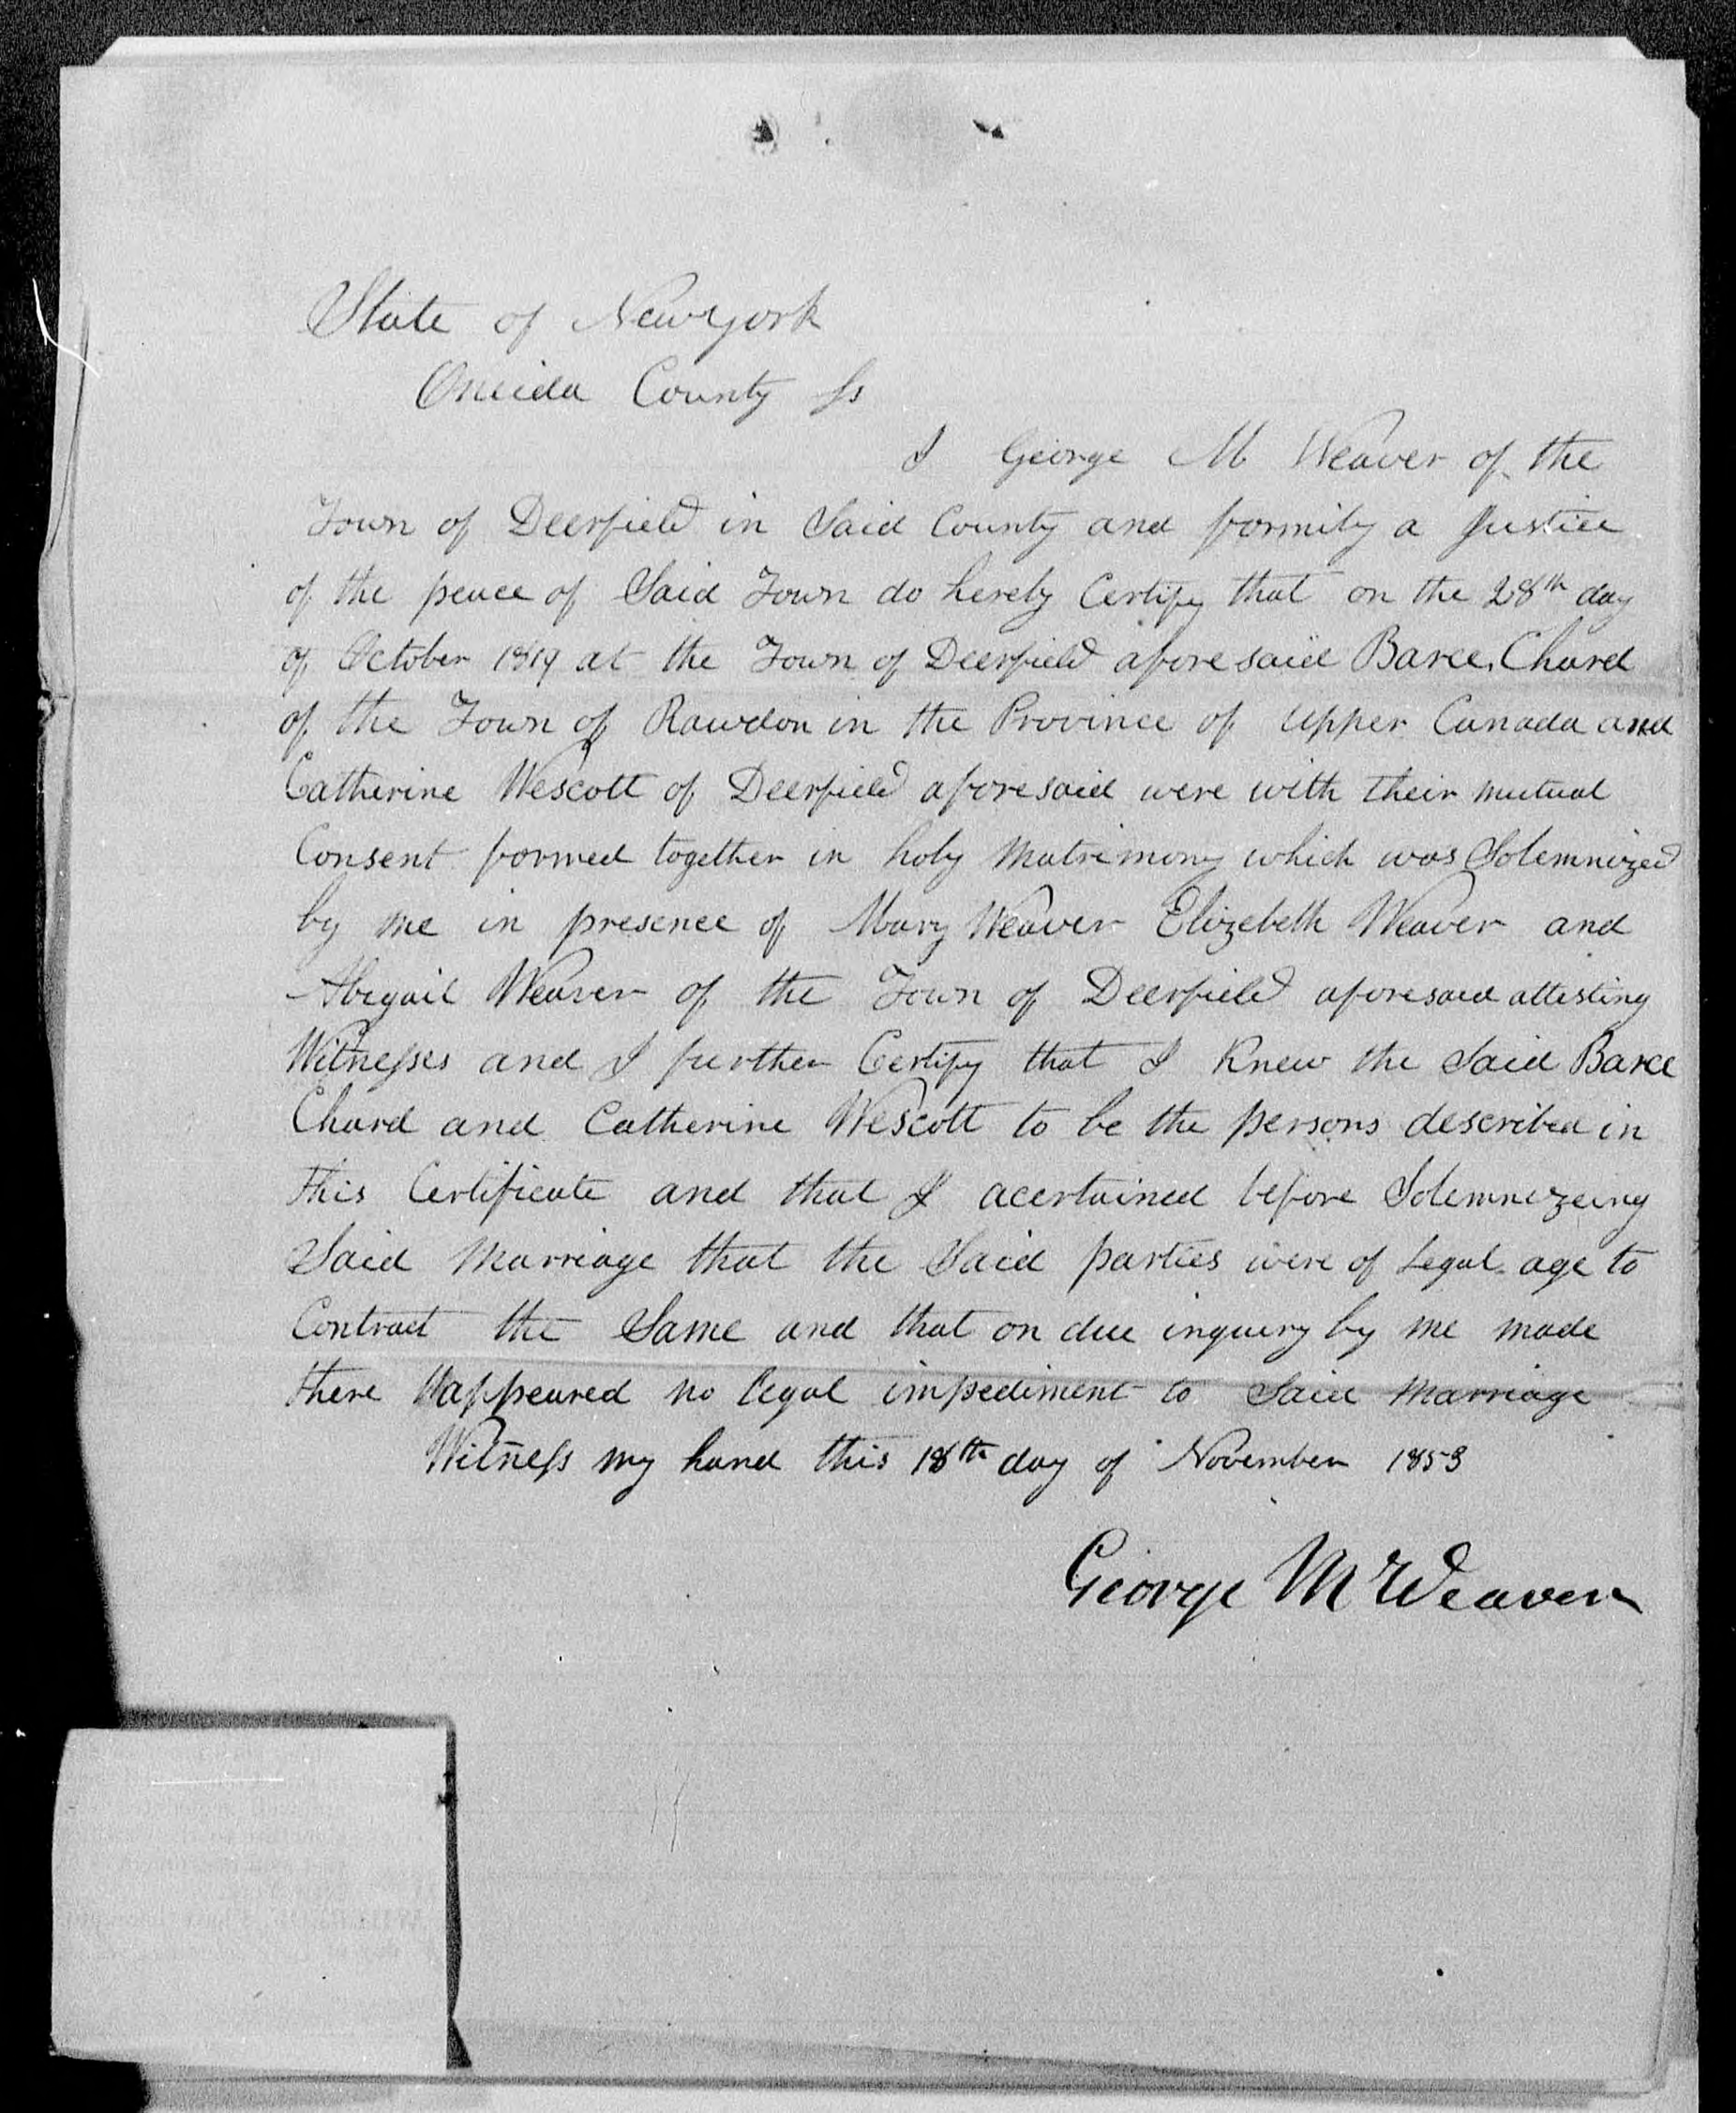State of New York 
Oneida County ss
 I George M Weaver of the Town of Deerfield in Said County and formily [sic] a Justice of the peace of Said Town do hereby Certify that on the 28th day of October 1819 at the Town of Deerfield aforesaid Barce Chard of the Town of Rawdon in the Province of Upper Canada and Catherine Wescott of Deerfield aforesaid were with their mutual Consent formed together in holy Matrimony which was Solemnized by me in presence of Mary Weaver, Elizabeth Weaver and Abigail Weaver of the Town of Deerfield aforesaid attesting Witnesses and I further Certify that I knew the Said Barce Chard and Catherine Wescott to be the persons described in this Certificate and that I acertained [sic] before Solemnizing Said Marriage that the Said parties were of Legal age to Contract the Same and that on due inquiry by me made there appeared no legal impediment to Said Marriage 
Witness my hand this 18th day of November 1853 
[Signed] George M Weaver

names: Mary Weaver, Abigail Weaver, Barce Chard, George M Weaver, Catherine Wescott, George M Weaver, Barce Chard, Elizebeth Weaver, Catherine Wescott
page: 18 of 47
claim: widow's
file: W. 10,602, Barce Chard, New York.